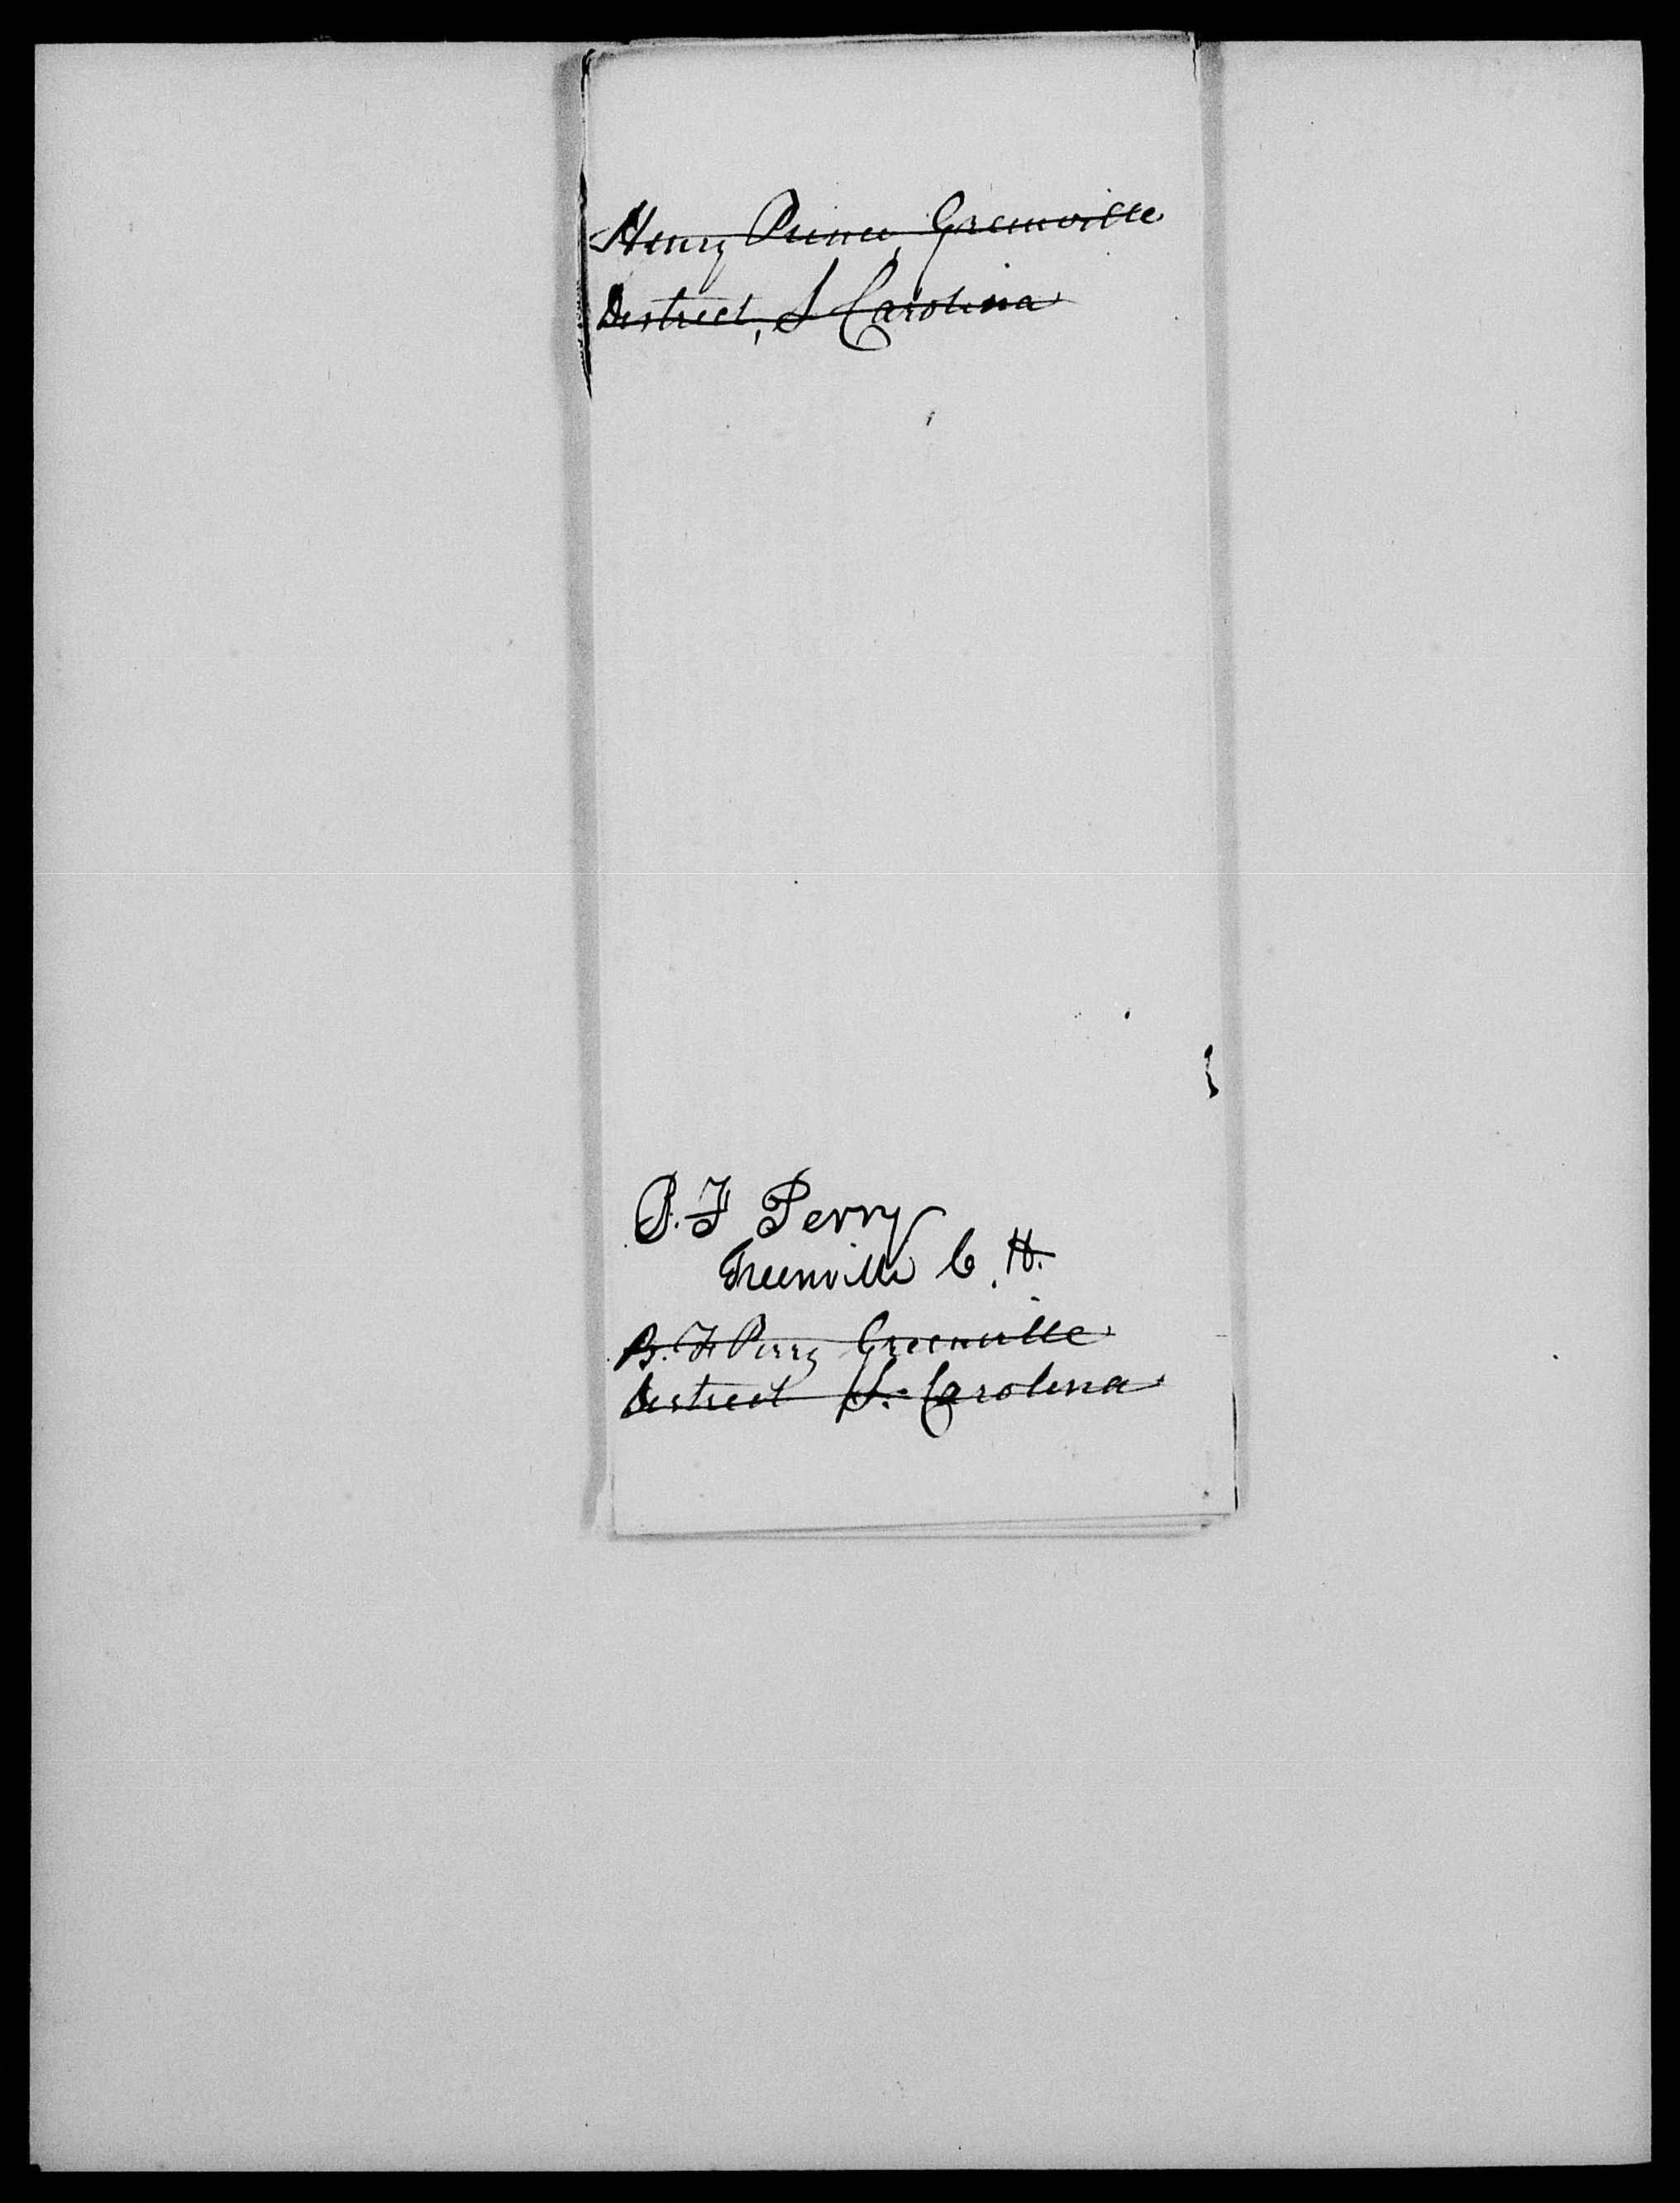[scratch through beginning]
Henry Prince Greenville
District, S. Carolina
[scratch through ending]


B.F. Perry
  Greenville C.H.


[scratch through beginning]
B.F. Perry Greenville
District, So. Carolina
[scratch through ending]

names: B F Perry; Henry Prince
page: 13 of 23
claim: survivor's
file: S. 18,168, for Henry Prince, South Carolina